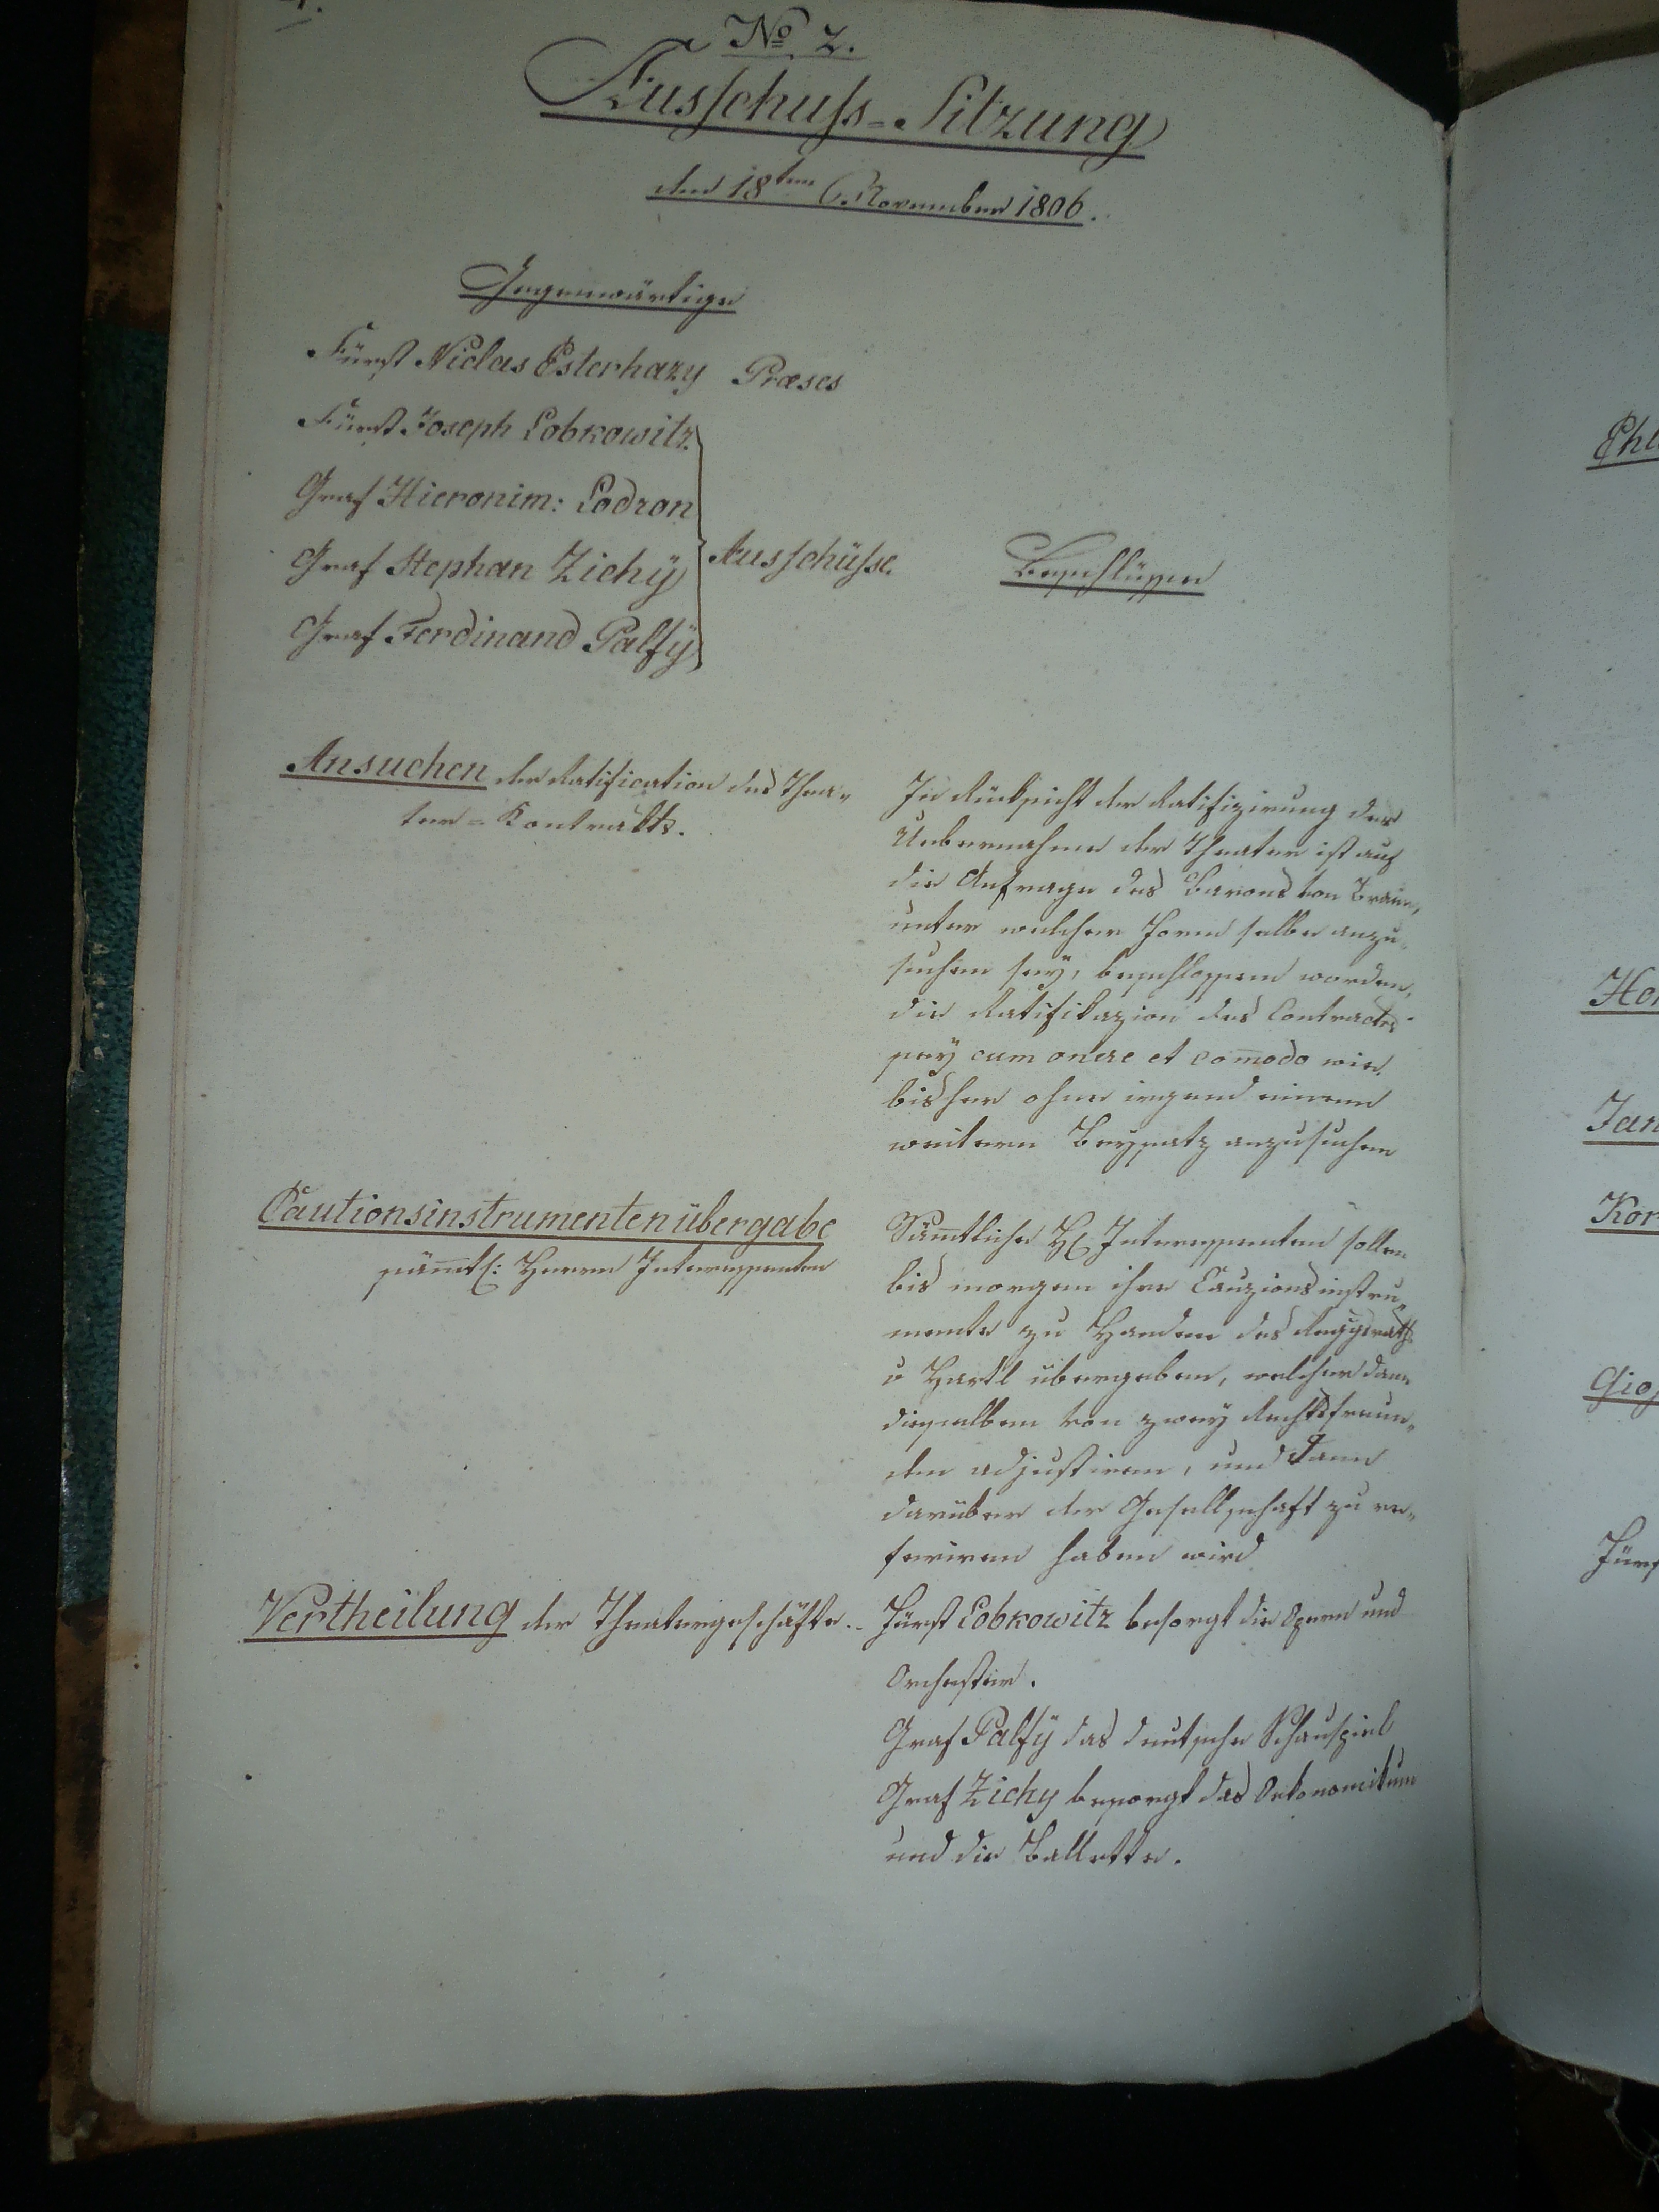­­4.
No͇ 2.
Ausschuss‗Sitzung
den 18ten November 1806.
Gegenwärtige
Fürst Niclas Esterhazy Præses
Fürst Joseph Lobkowitz
Graf Hieronim: Lodron
Graf Stephan Zichy
Graf Ferdinand Palfy
Ausschüsse.
Beschlüsse.
Ansuchen der Ratification des Thea¬
ter=Kontrakts.
In Rücksicht der Ratifizirung der
Übernahme der Theater ist auf
die Anfrage des Barons von Craim,
unter welcher Form selber anzu¬
suchen sey, beschlossen worden,
die Ratifikazion des Contractes
sey cum onere et com̅odo wie
bisher ohne irgend einem
weitern Beysatz anzusuchen
Cautionsinstrumentenübergabe
sämtE: Herren Interessenten
Säm̅tliche HE Interessenten sollen
bis morgen ihre Cauzionsinstru¬
mente zu Handen des Reg͞gsraths
v Hartl übergeben, welcher dann
diesselben von zwey Rechtsfreun¬
den adjustiren, und dann
darüber der Gesellschaft zu re¬
feriren haben wird
Vertheilung der Theatergeschäfte .. Fürst Lobkowitz besorgt die Opern und
Orchester.
Graf Palfy das deutsche Schauspiel
Graf Zichy besorgt das Oekonomikum
und die Ballette.